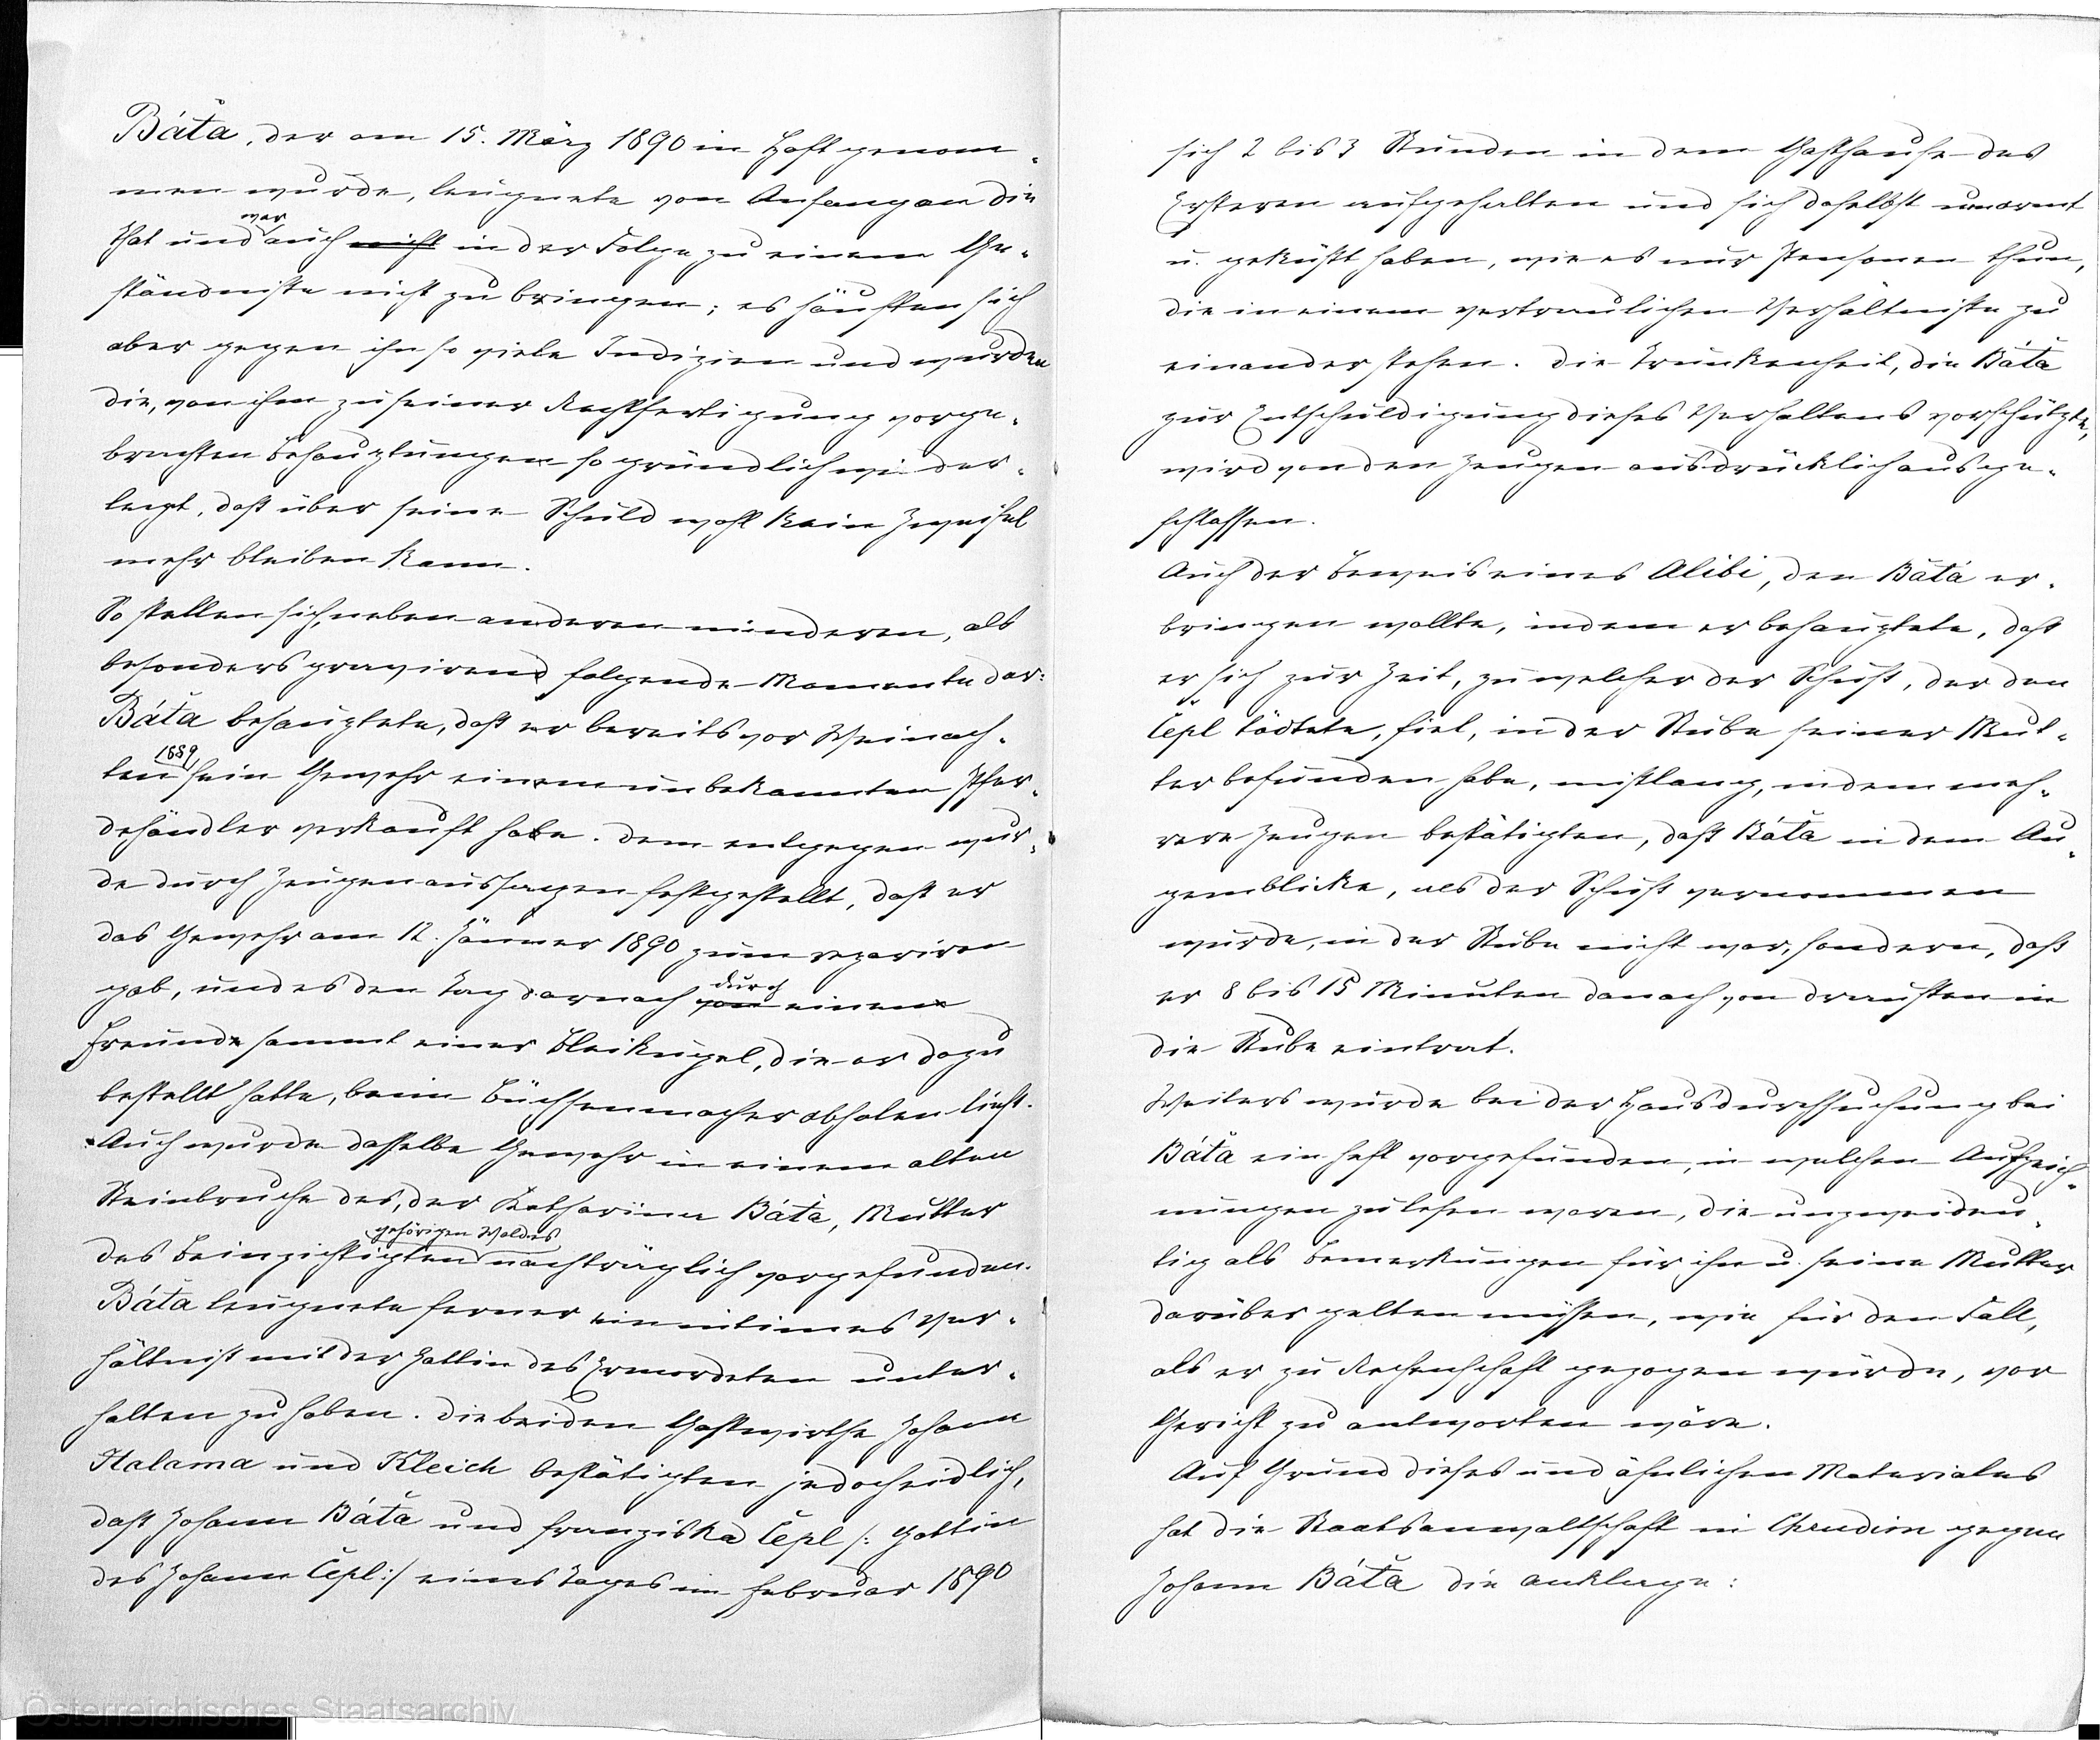Báta, der am 15. März 1890 in Haft genom¬
men wurde, leugnete von Anfangen die
war
That und auch in der Folge zu einem Ge¬
ständniße nicht zu bringen; es häuften sich
aber gegen ihn so viele Indizien und wurden
die, von ihm zuseiner Nachtfertigung vorge¬
brachten Behandlungen so gründlich weider¬
legt, daß über seine Schuld wohl kein Zweifel
mehr bleiben kann.
So stellen sich, neben anderen niederen, als
besonders gravirend folgende Momente dar:
Báta behauptete, daß er bereits vor Weinach¬
1889
ten sein Gewehr einem unbekannten Pfer¬
dehändler verkauft habe. Dem entgegen wur¬
de durch Zeugen aussagen festgestellt, daß er
das Gewehr am 12. Jänner 1890 zum repariren
durch
gab, und es den Tag darnach einen
Freunde sammt einer Bleikugel, die er dazu
bestellt hatte, beim Büchsenmacher abholen liest.
Auch wurden dasselbe Gewehr in einem alten
Steinbruche des, der Katharina Báta, Mutter
gehörigen Waldes
des Bein zichtigten nach träglich vorgefunden.
Báta leugnete ferner ein intimes Ver¬
hältniß mit der Zathin des Ermordeten unter¬
halten zu haben. Die beiden Gastwirthe Johann
Halama und Kleich bestätigten jedoch eidlich,
daß Johann Báta und Franziska Čepl /: Gattin
des Johann Čepl :/ eines Tages im Februar 1890
sich 2 bis 3 Stunden in dem Gasthause des
Ersteren aufgehalten und sich daselbst xx
u. geküßt haben, wie es nur Pensonen thun,
die in einem vertraulichen Verhältniße zu
einander stehen. Die Trunkenheit, die Báta
zur Entschuldigung dieses Verhaltens vorschützte,
wird von den Zeugen ausdrücklich ausge¬
schlossen.
Auch der Beweis eines Alibi, den Báta er¬
bringen wollte, indem er behauptete, daß
er sich zur Zeit, zu welcher der Schuß, der den
Čepl tödtete, fiel, in der Stube seiner Mut¬
ter befunden habe, mißlang, in dem meh¬
rere Zeuge bestätigten, daß Báta in dem Au¬
gen blicke, als der Schuß vernommen
wurde, in der Stube nicht war, sondern, daß
er 8 bis 15 Minuten danach von Drauften in
die Stube eintrat.
Weiters wurde bei der Hausdurchsuchung bei
Báta ein heft vorgefunden, in welchen Aufzeich¬
nungen zu lesen waren, die unzweideu¬
tig als Bemerkungen für ihre u. seine Mutter
darüber gelten müssen, wie für den Fall,
als er zu Rechenschaft gezogen würde, von
Gericht zu antworten wäre.
Auf Grund dieses und ähnlichen Materiales
hat die Staatsanwaltschaft in Chrudim gegen
Johann Báta die anklage: